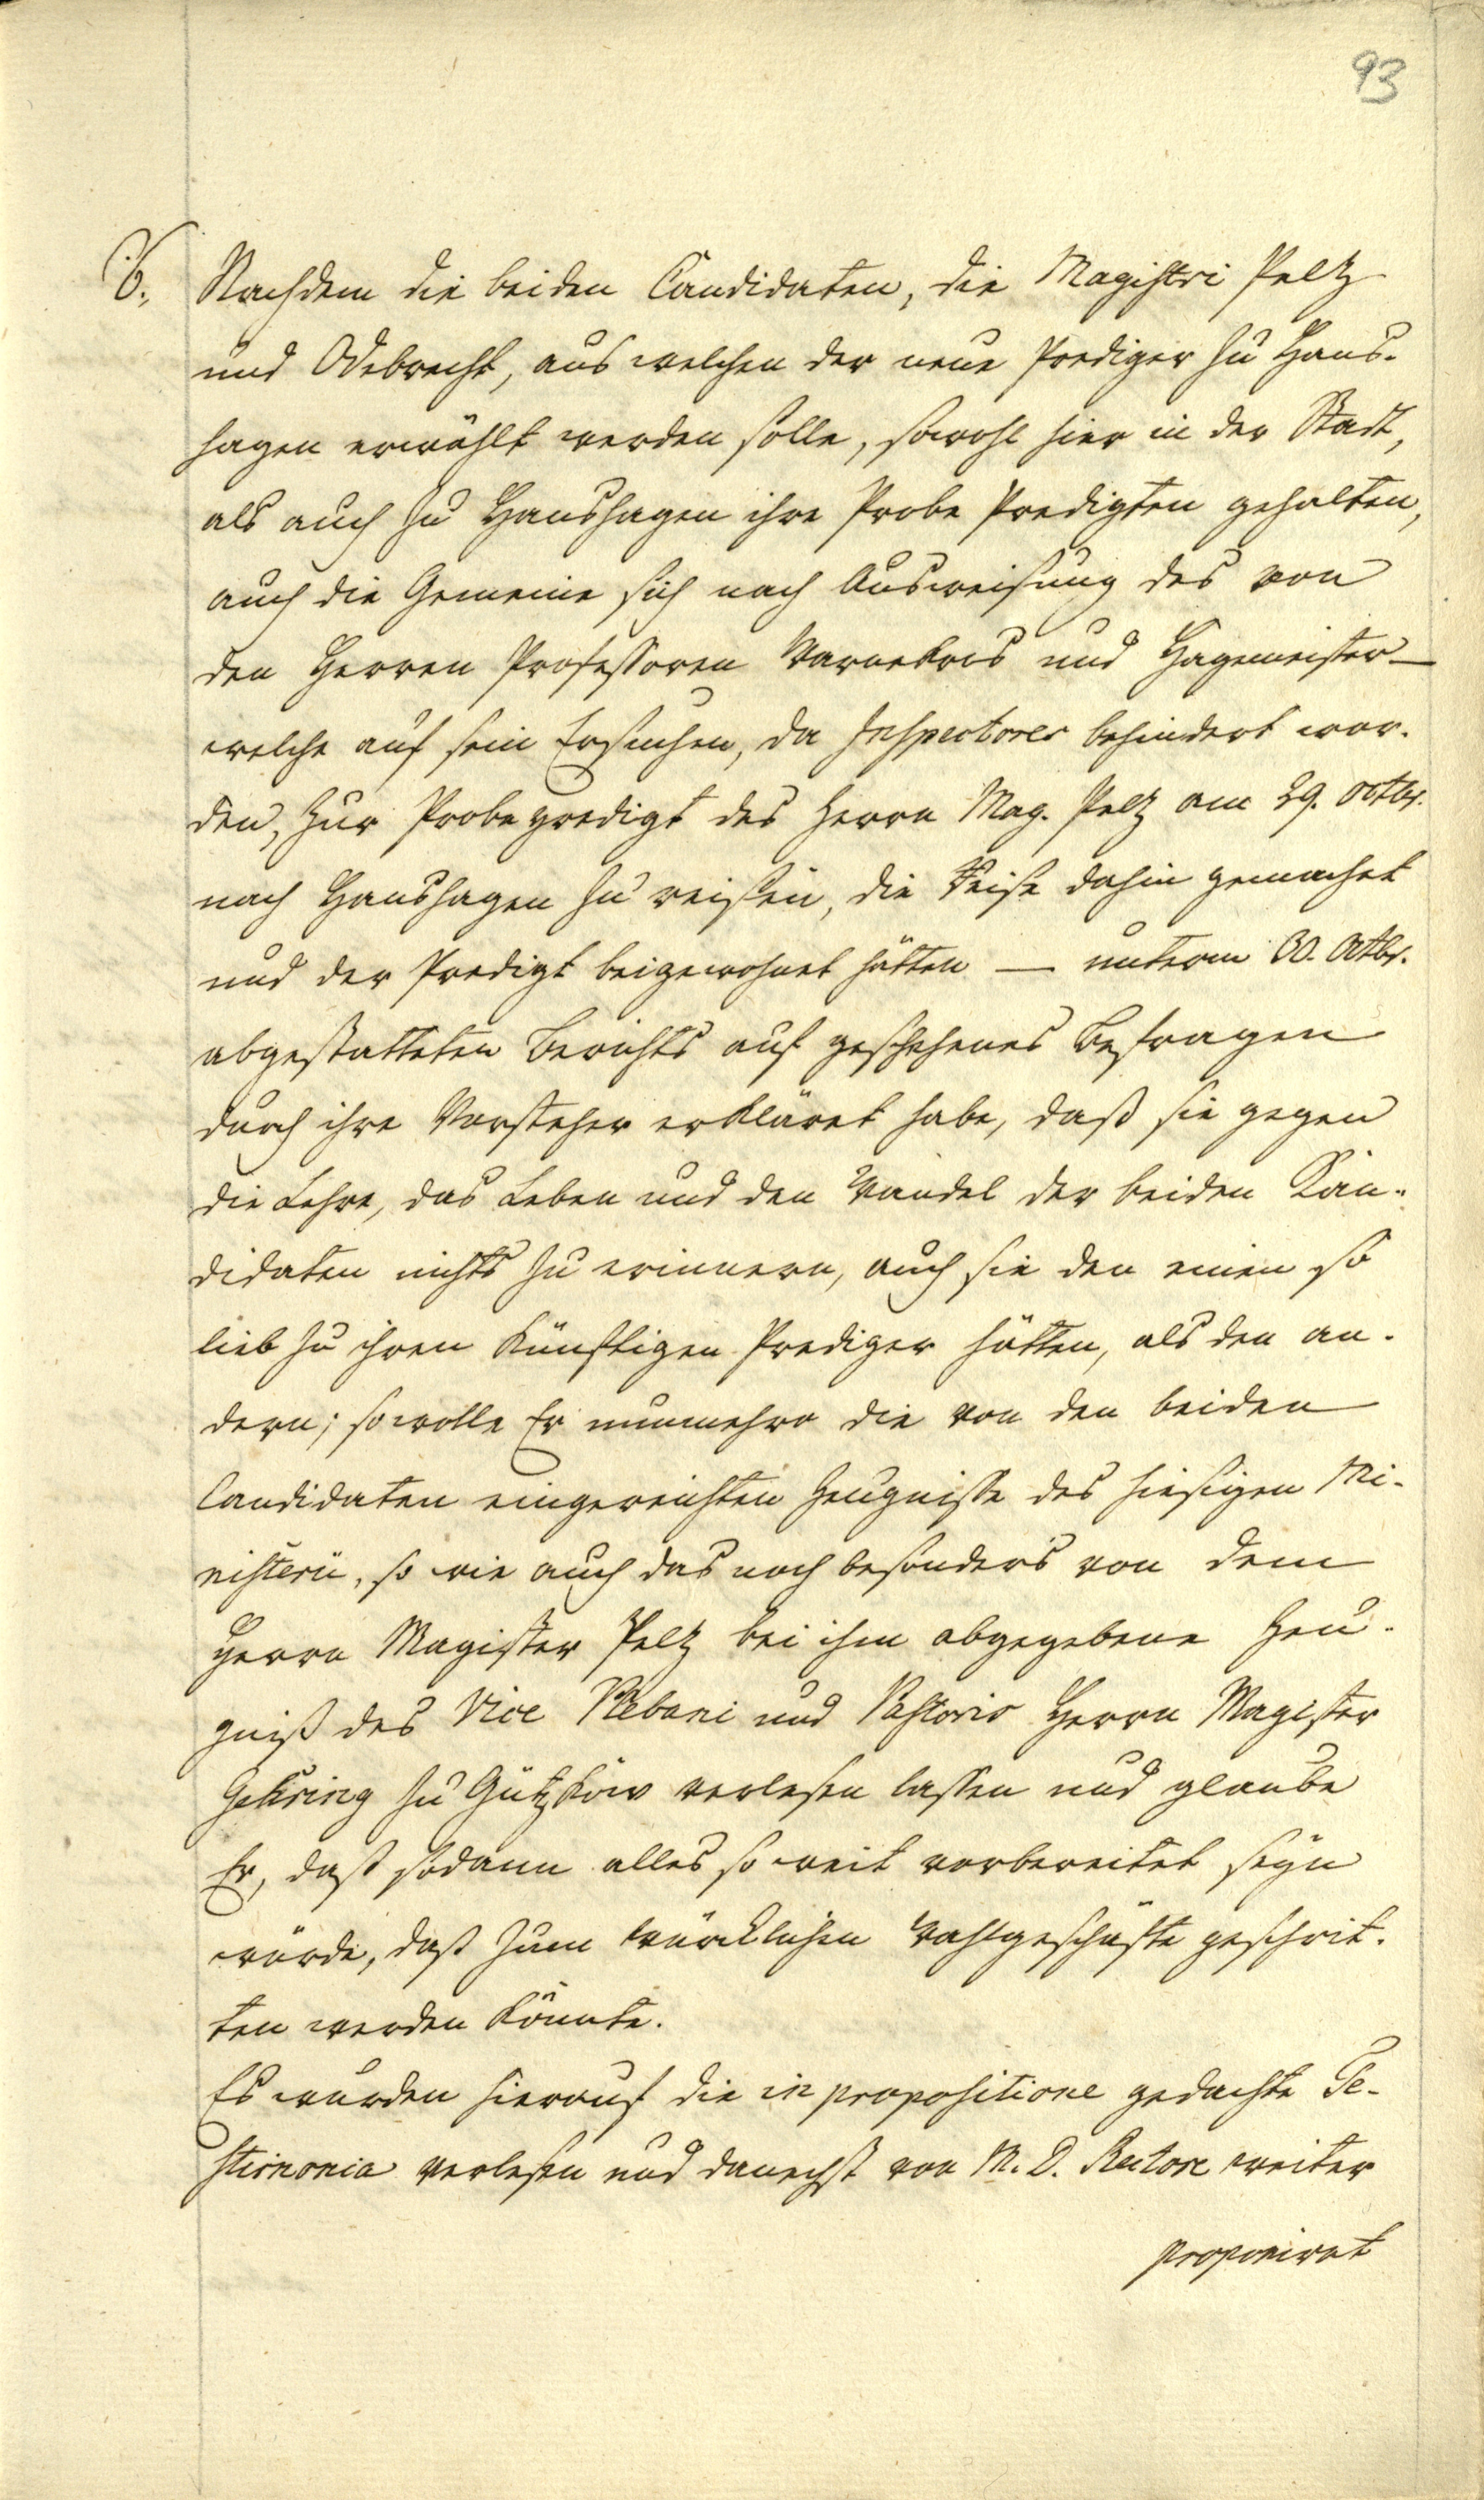6. Nachdem die beiden Candidaten, die Magistri Pelz
und Odebrecht, aus welchen der neue Prediger zu Hans¬
hagen erwählt werden solle, sowohl hier in der Stadt,
als auch zu Hanshagen ihre Probe Predigten gehalten,
auch die Gemeine sich nach Ausweisung des von
den Herren Professoren Warnekros und Hagemeister -
welche auf sein Ersuchen, da Inspectores behindert wor¬
den, zur Probe predigt des Herrn Mag. Pelz am 29. Octbr.
nach Hanshagen zu reisen, die Reise dahin gemachet
und der Predigt beigewohnet hätten - unterm 30 Octbr.
abgestatteten Berichts auf geschehenes Befragen
durch ihre Vorsteher erkläret habe, daß sie gegen
die Lehre, das Leben und den Wandel der beiden Kan¬
didaten nichts zu erinnern, auch sie den einen so
lieb zu ihren künftigen Prediger hätten, als den an¬
dern; so wolle Er nunmehro die von den beiden
Candidaten eingereichten Zeugnisse des hiesigen Mi¬
nisterii, so wie auch das noch besonders von dem
Herrn Magister Pelz bei ihm abgegebene Zeu¬
gniß des Vice Plebani und Pastoris Herrn Magister
Gehring zu Gützkow verlesen lassen und glaube
Er, daß sodann alles so weit vorbereitet seÿn
würde, daß zum würcklichen Wahlgeschäfte geschrit¬
ten werden könnte.
Es wurden hierauf die in propositione gedachte Te¬
stimonia verlesen und danechst von M. D. Rectore weiter
proponiret